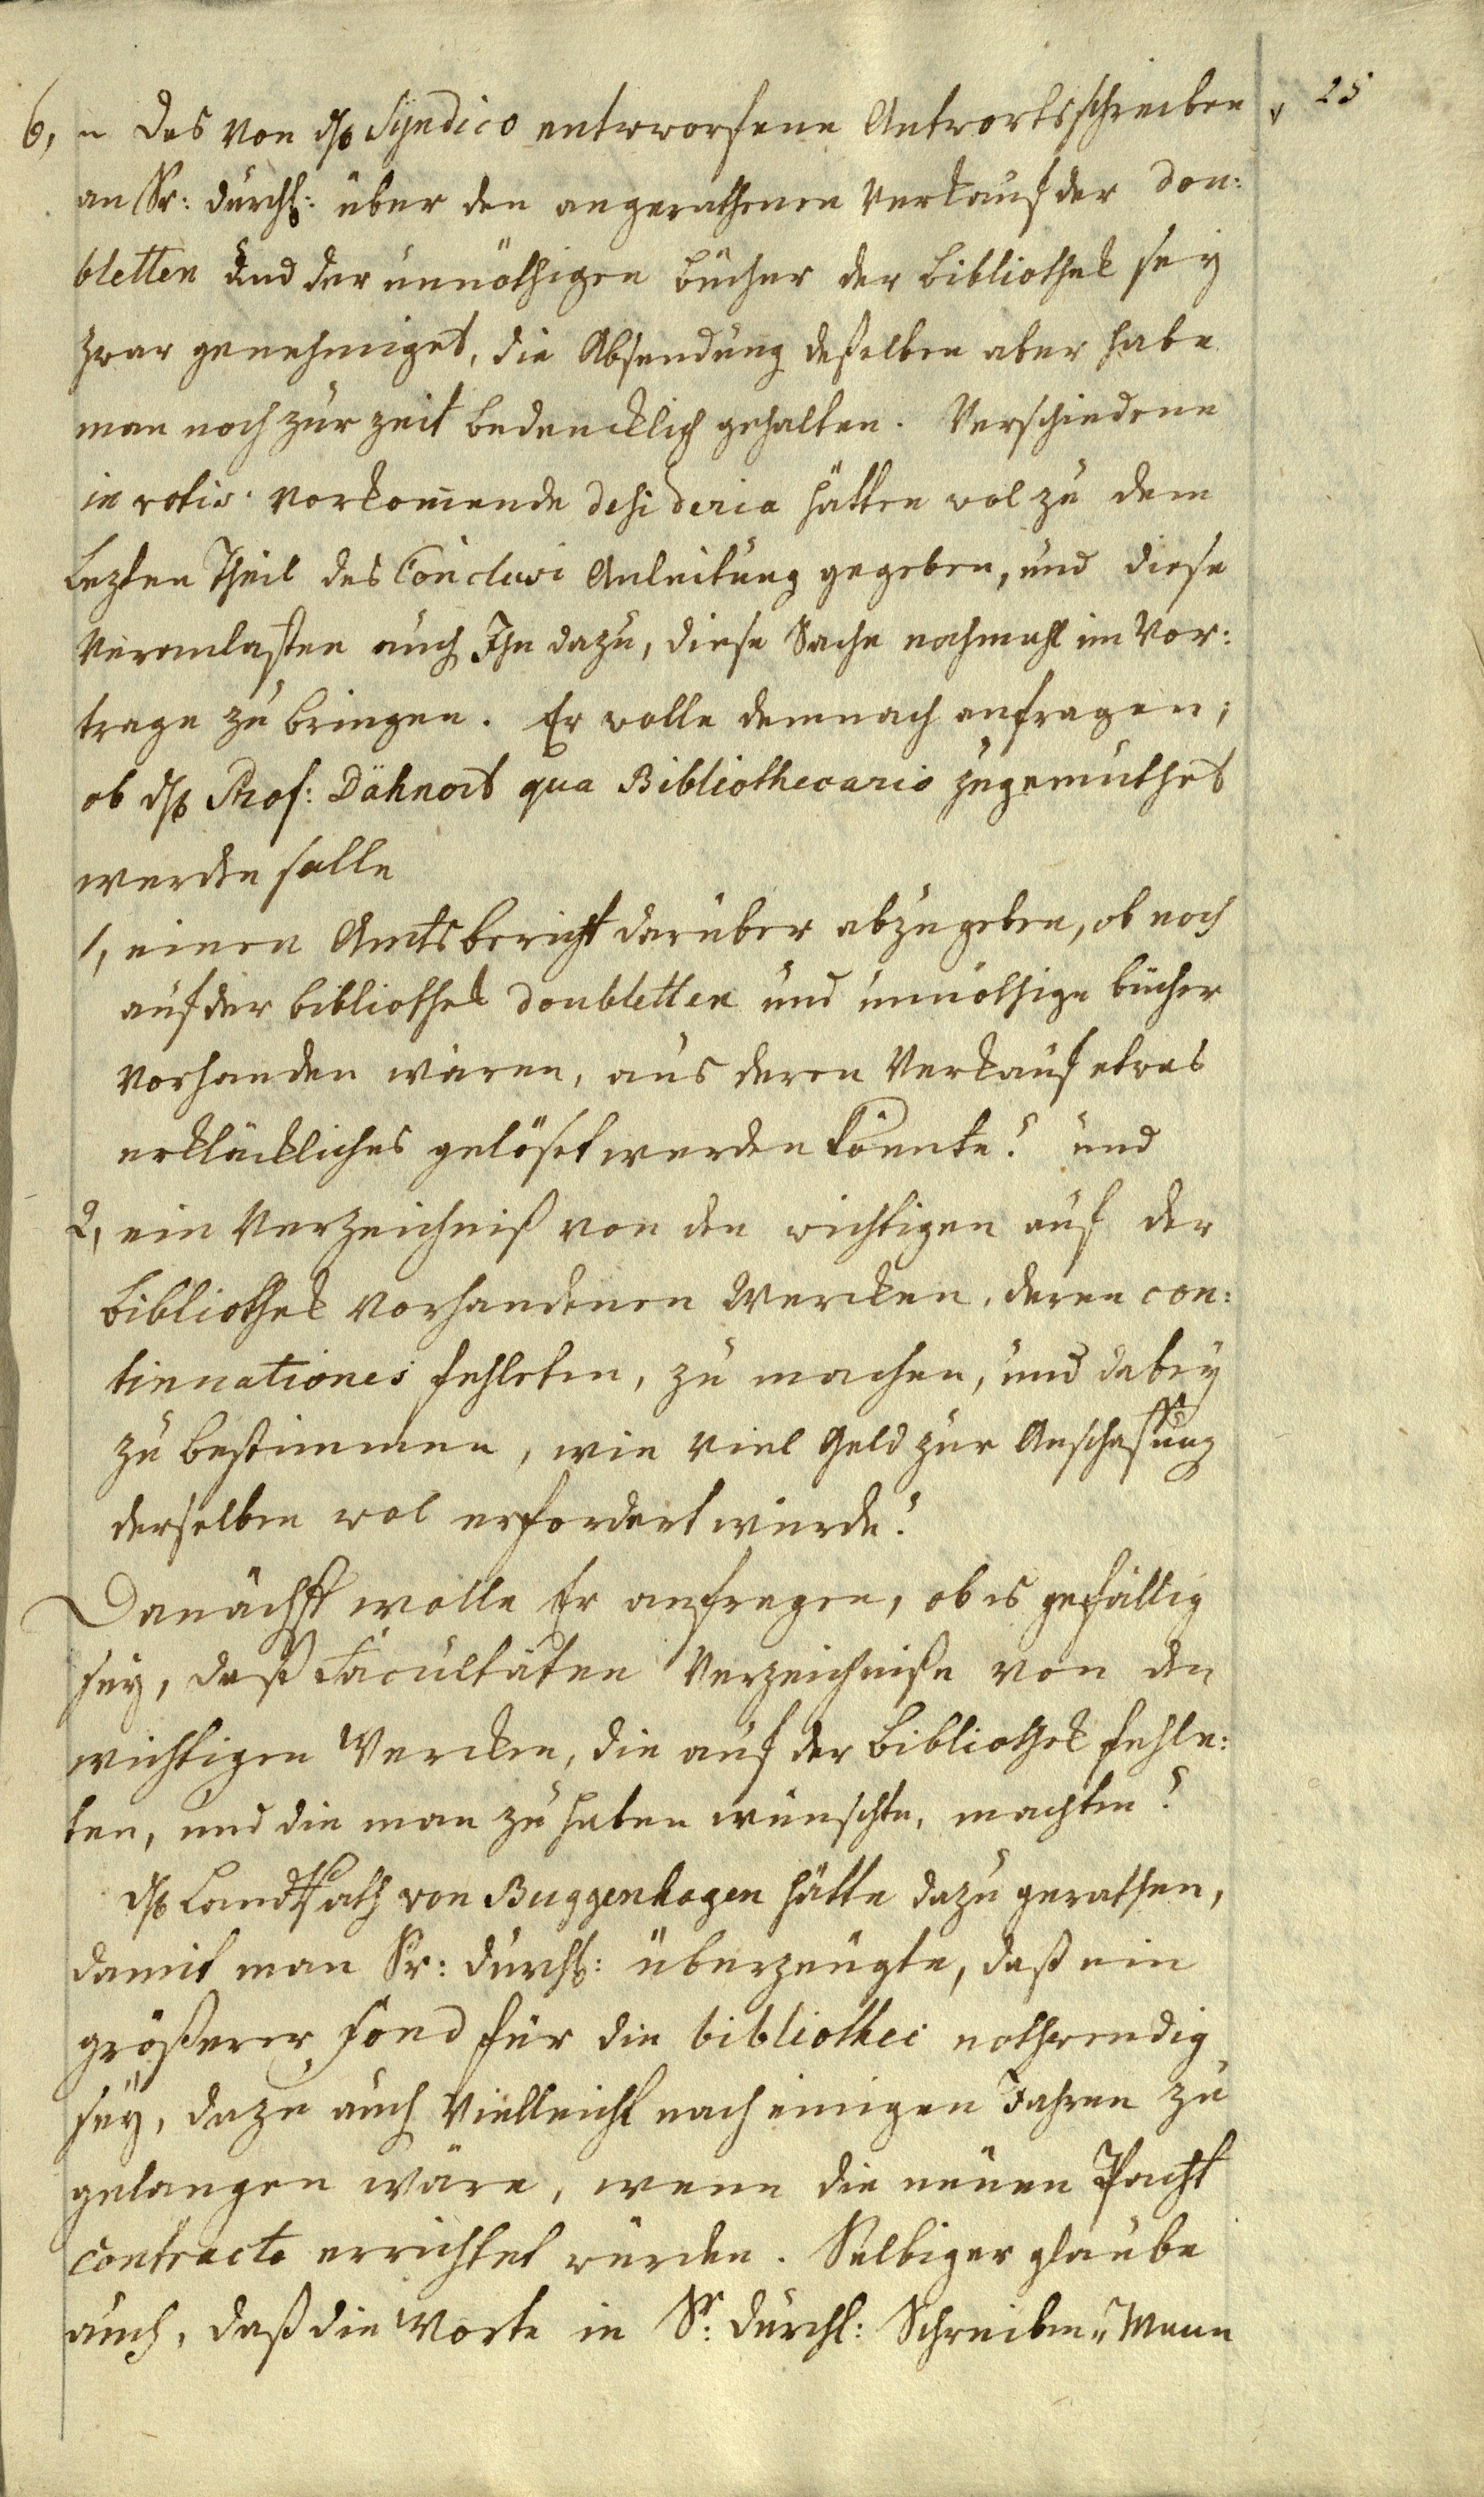6. Das von dh Sÿndico entworfene Antwortsschreiben
an Sr. Durchl. über den angerathenen Verkauf der dou¬
bletten und der unnöthigen Bücher der Bibliothek seÿ
zwar genehmiget, die Absendung deßelben aber habe
man noch zur zeit bedencklich gehalten. Verschiedene
in votis vorkomende desideria hätten wol zu dem
lezten Theil des Conclusi Anleitung gegeben, und diese
veranlasten auch Ihn dazu, diese Sache nochmahl im Vor¬
trage zu bringen. Er wolle demnach anfragen,
ob dh Prof: Dähnert qua Bibliothecario zugemuthet
werden solle
1, einen Amtsbericht darüber abzugeben, ob noch
auf der Bibliothek doubletten und unnöthige Bücher
vorhanden wären, aus deren Verkauf etwas
erkläckliches gelöset werden könnte? und
2, ein Verzeichniß von den wichtigen auf der
Bibliothek vorhandenen Wercken, deren con¬
tinnationes fehleten, zu machen, und dabeÿ
zu bestimmen, wie viel Geld zur Anschaffung
derselben wol erfordert würde?
Danächst wolle Er anfragen, ob es gefällig
seÿ, daß Facultäten Verzeichniße von den
wichtigen Wercken, die auf der Bibibliothek fehle¬
ten, und die man zu haben wünschte, machten?
dh LandRath von Buggenhagen hätte dazu gerathen,
damit man Sr. Durchl. überzeugte, daß ein
größerer Fond für die bibliothek nothwendig
seÿ, dazu auch vielleicht nach einigen Jahren zu
gelangen wäre, wenn die neuen Pacht
Contracte errichtet würden. Selbiger glaube
auch, daß die Worte in Sr. Durchl. Schreiben " Mann